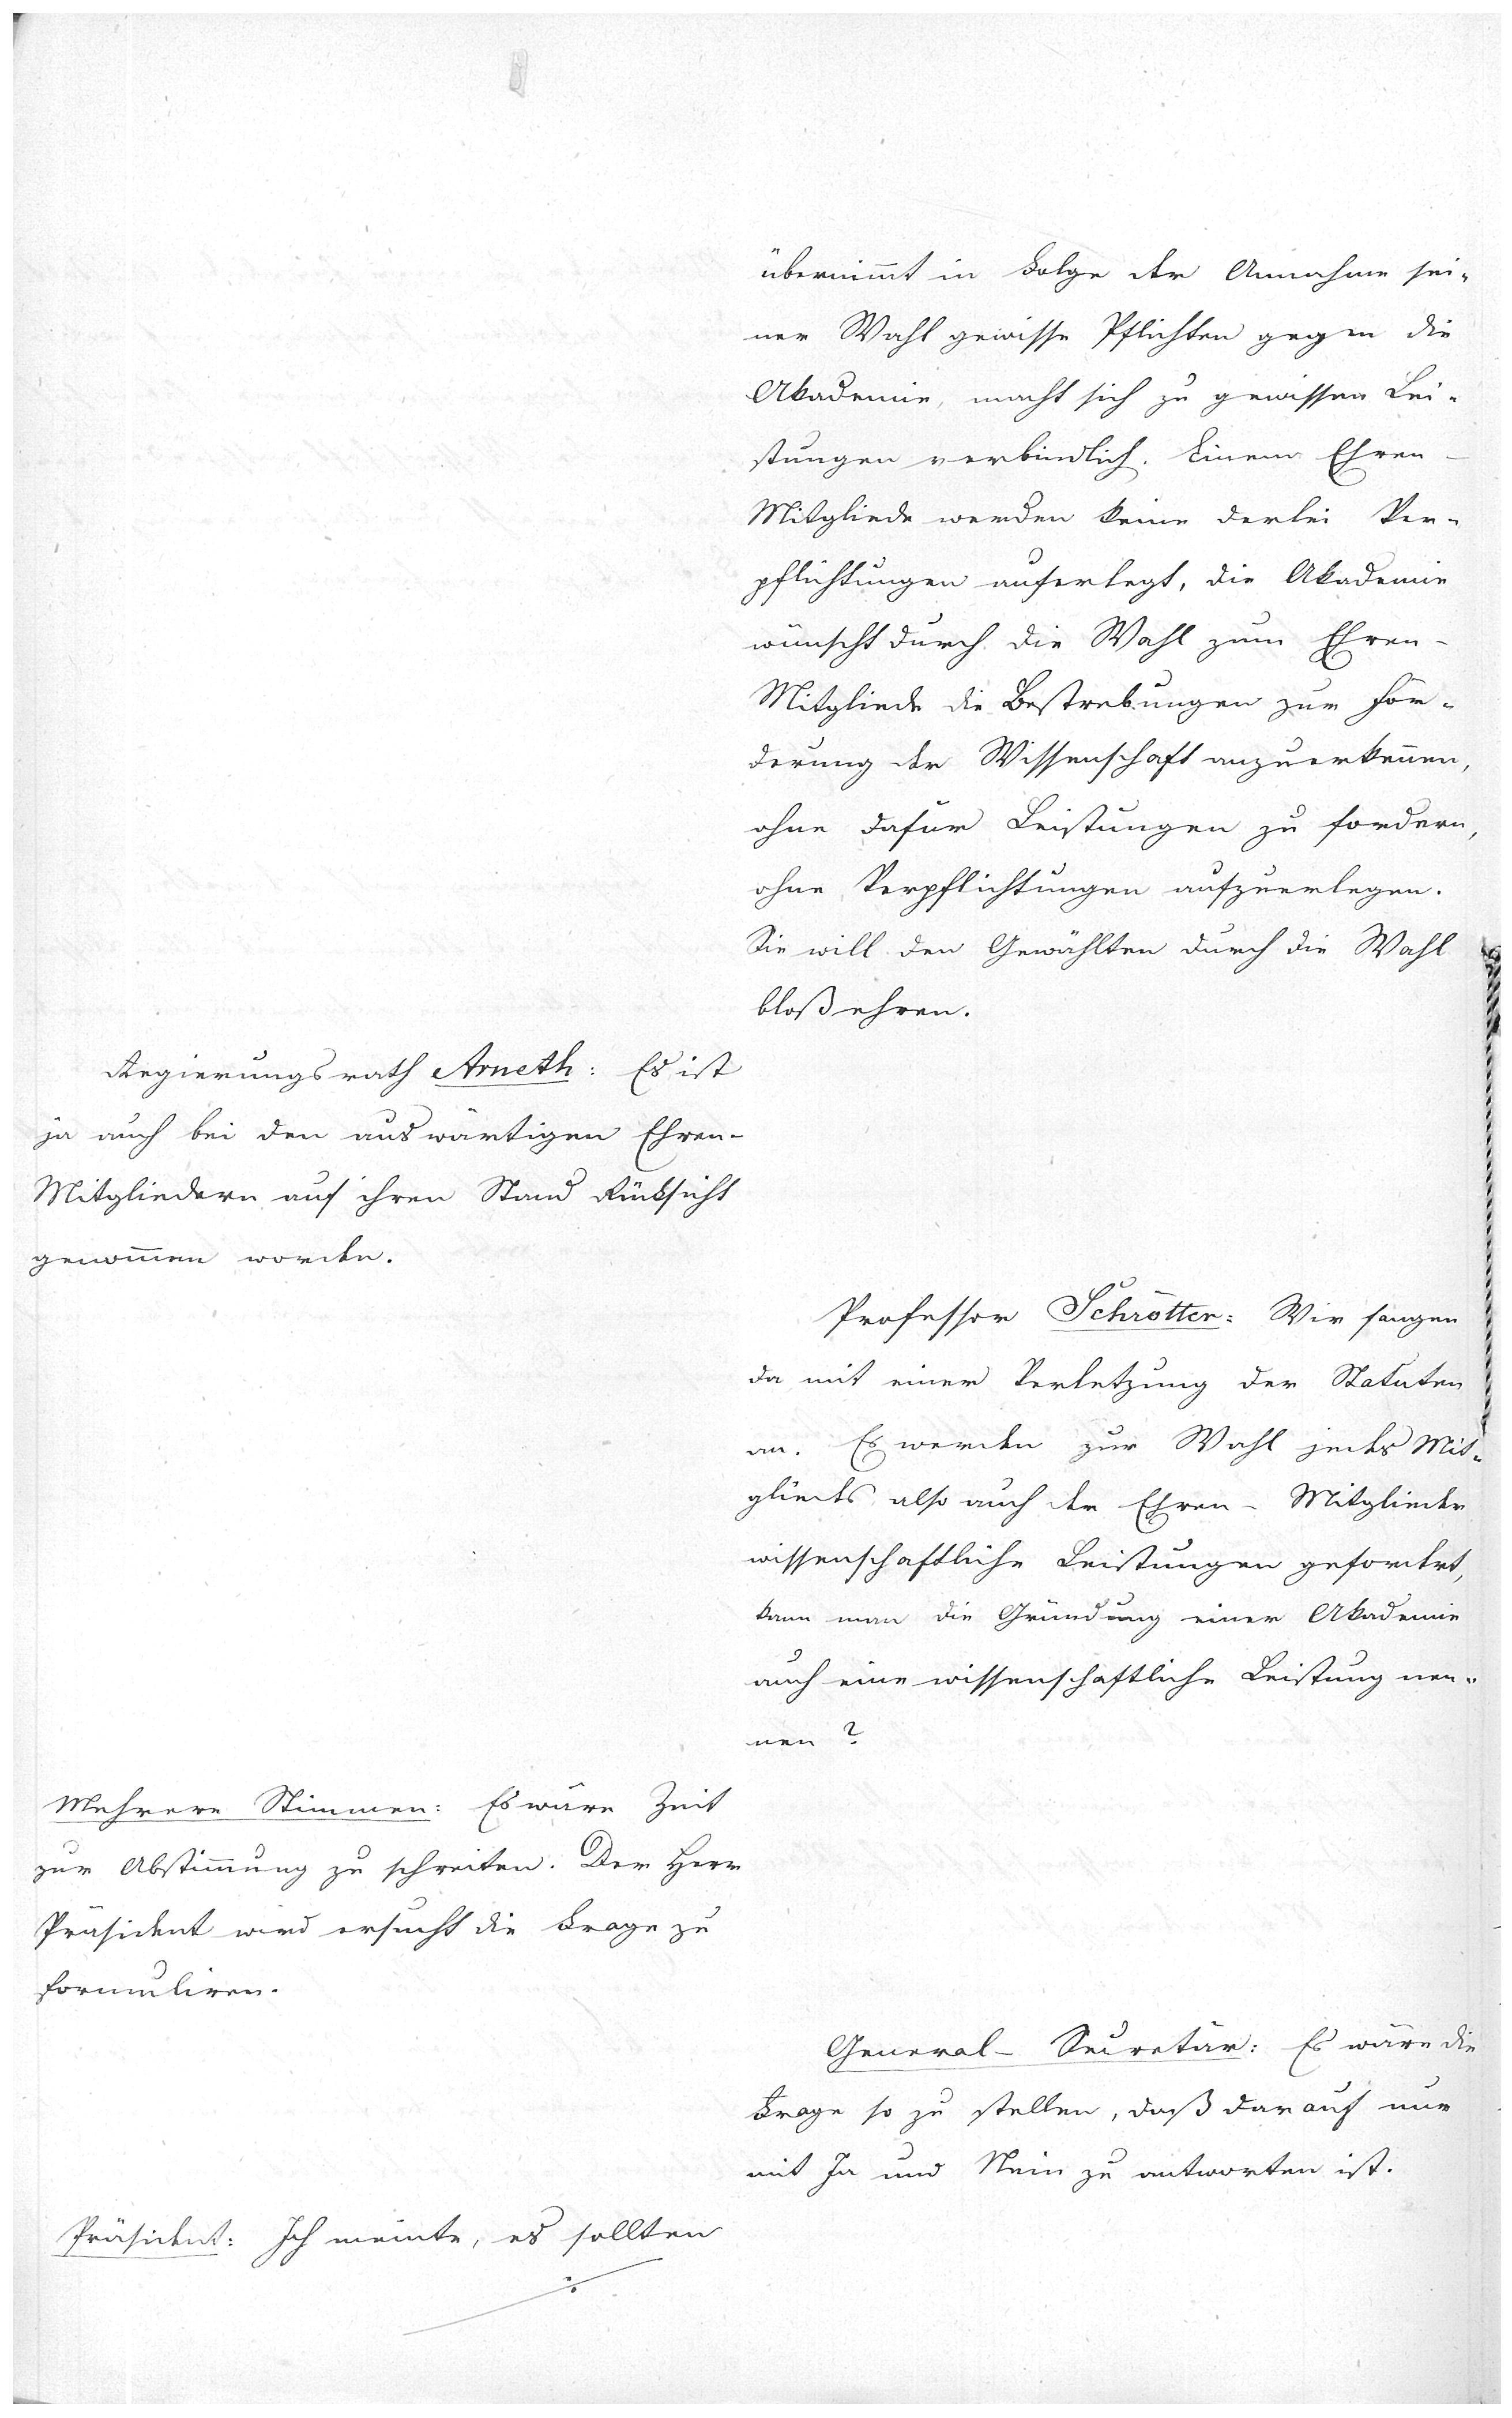übernimmt in Folge der Annahme sei-
ner Wahl gewisse Pflichten gegen die
Akademie, macht sich zu gewissen Lei-
stungen verbindlich. Einem Ehren-
Mitgliede werden keine derlei Ver-
Pflichtungn auferlegt, die Akademie
wünscht durch die Wahl zum Ehren-
Mitgliede die Bestrebungen zur För-
derung der Wissenschaften anzuerkennen,
ohne dafür Leistungen zu fordern,
ohne Verpflichtungen aufzuerlegen.
Sie will den Gewählten durch die Wahl
bloß ehren.
Regierungsrath Arneth: Es ist
ja auch bei den auswärtigen Ehren-
Mitgliedern auf ihren Stand Rücksicht
genommen worden.
Professor Schrötter: Wir fangen
da mit eienr Verletzung der Statuten
an. Es werden zur Wahl jedes Mit-
glieds also auch der Ehren-Mitglieder
wissenschaftliche Leistungen gefordert,
kann man die Gründung einer Akademie
auch eine wissenschaftliche Leistung nen-
nen?
Mehrere Stimmen: Es wäre Zeit
zur Abstimmung zu schreiten. Der Herr
Präsident wird ersucht die Frage zu
formulieren.
General-Secetär: Es wäre die
Frage so zu stellen, daß darauf nur
mit Ja und Nein zu antworten ist.
Präsident: Ich meinte, es sollten